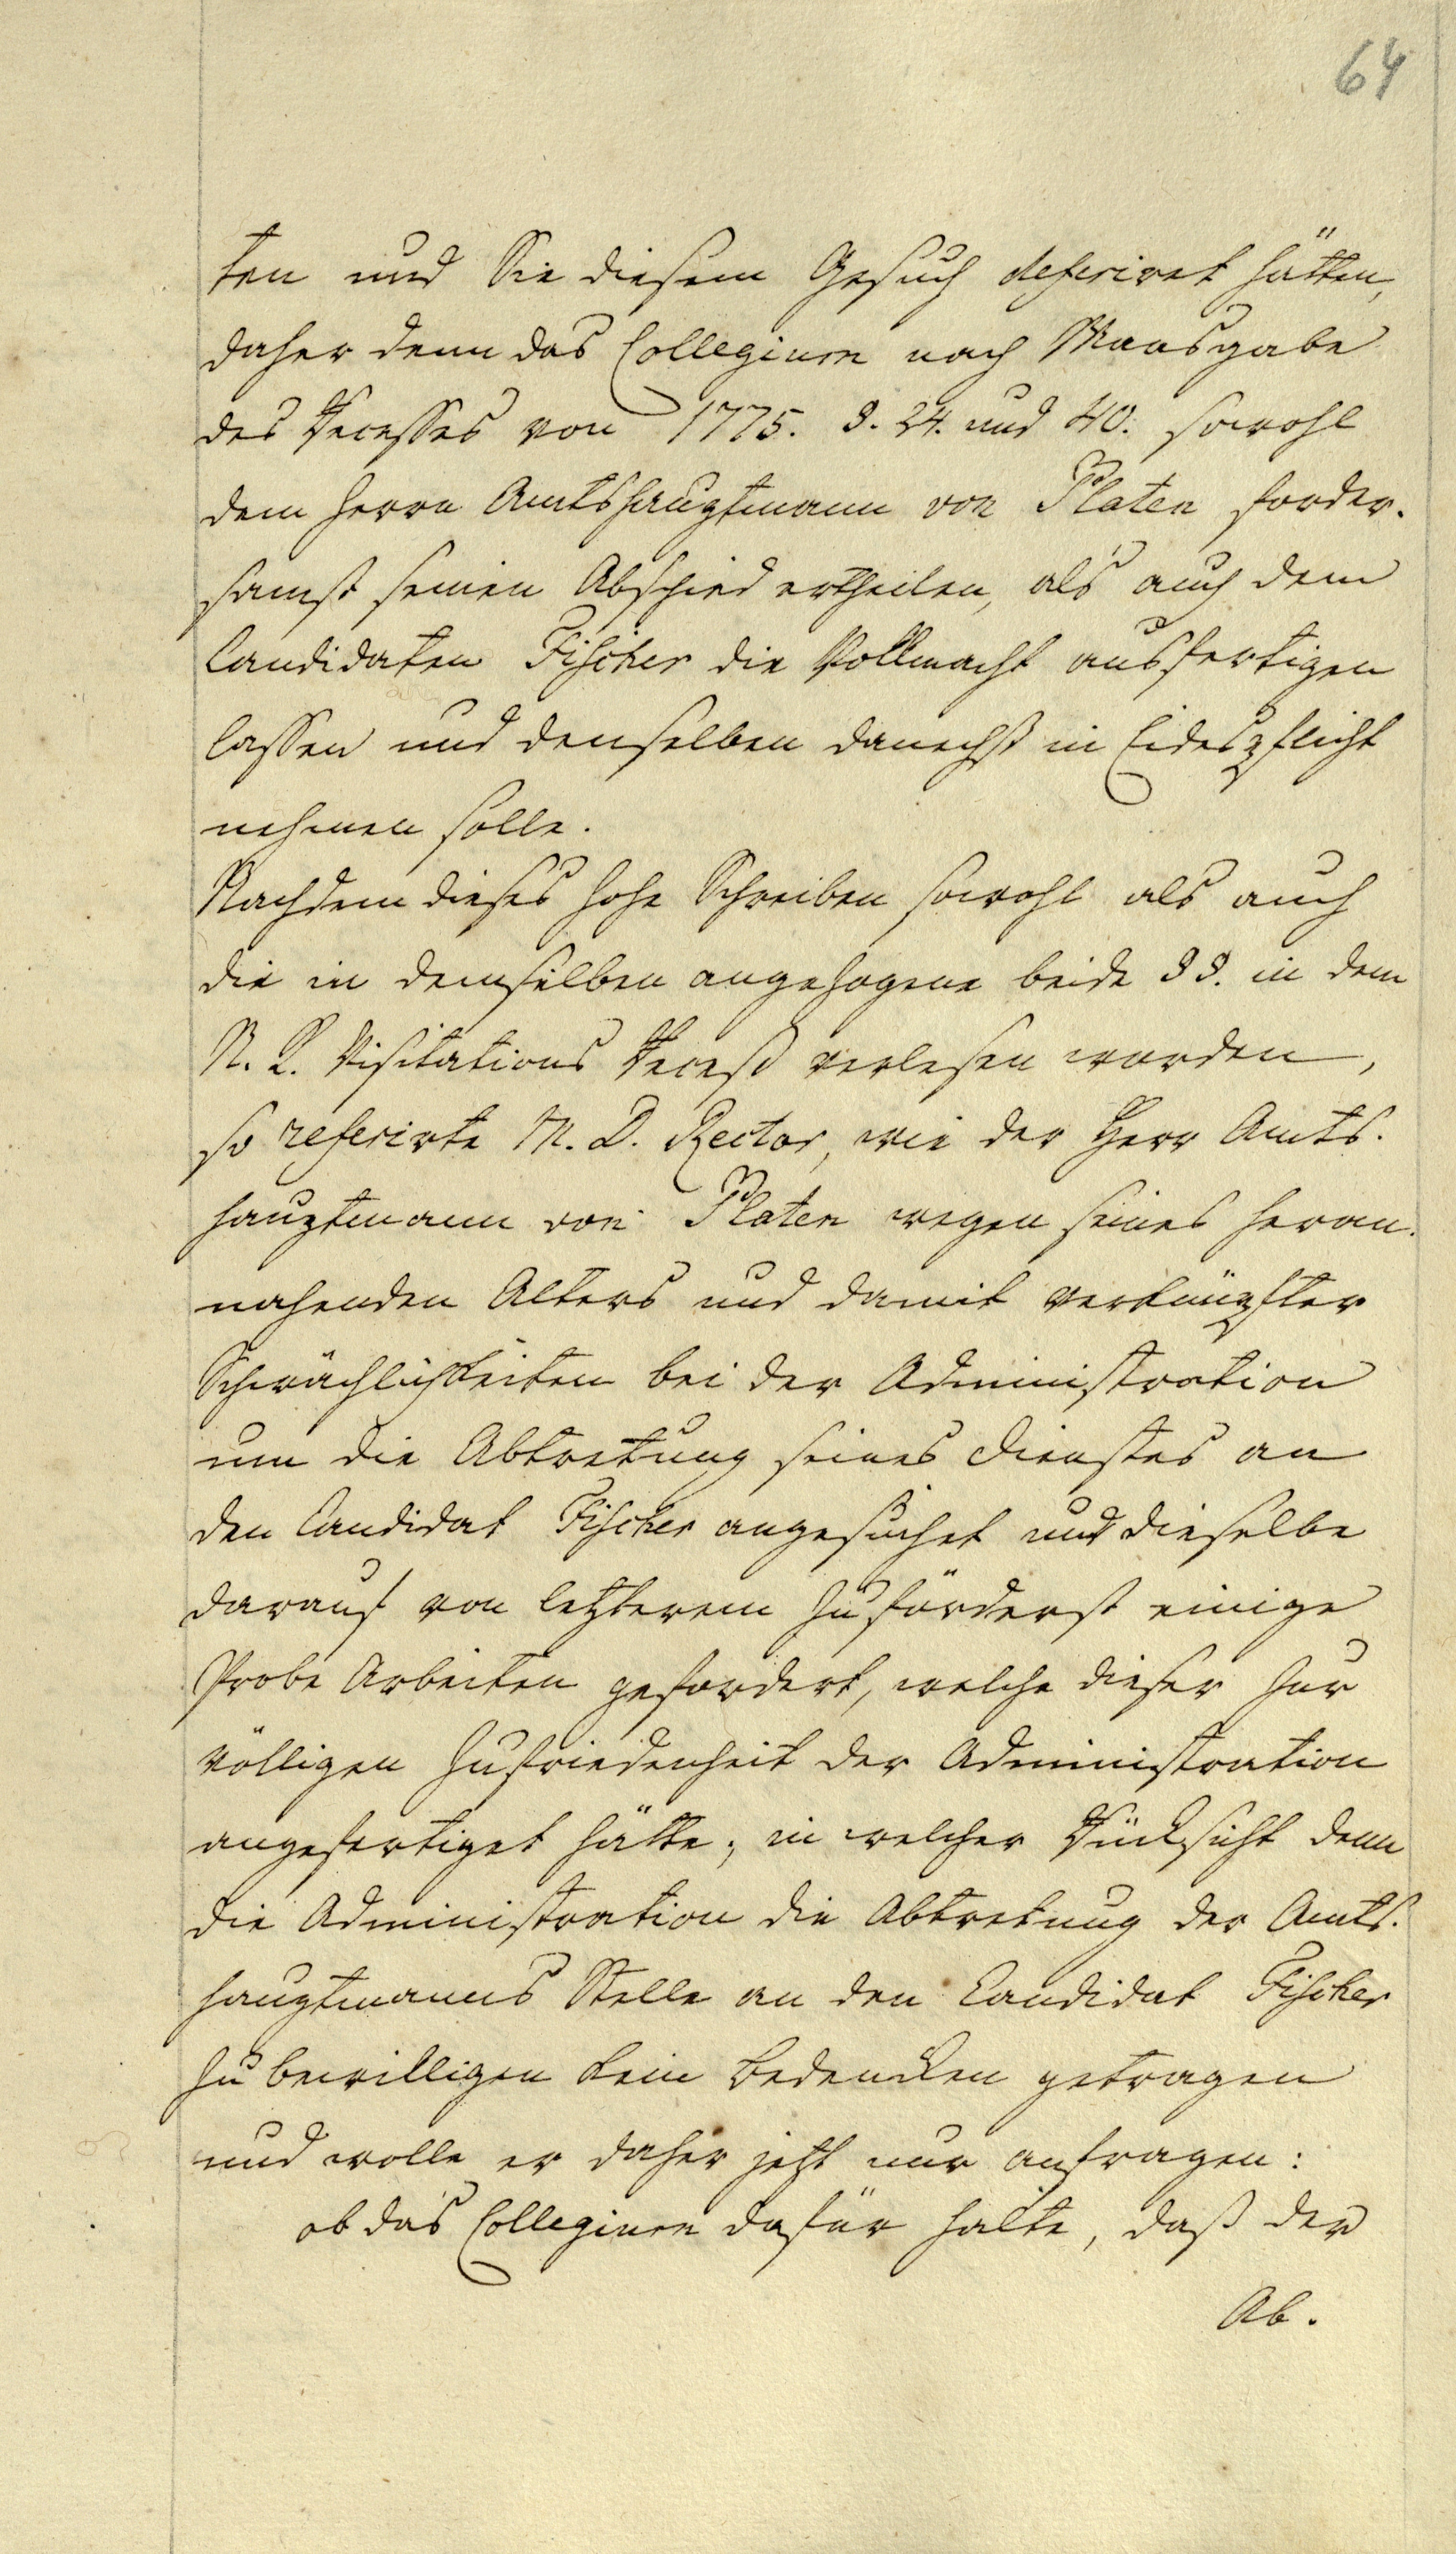ten und Sie diesem Gesuch deferiret hätten,
daher denn das Collegium nach Maasgabe
des Recesses von 1775. §. 24. und 40. sowohl
dem Herrn Amtshauptmann von Platen forder¬
samst seinen Abschied ertheilen, als auch dem
Candidaten Fischer die Vollmacht ausfertigen
lassen und denselben danechst in Eidespflicht
nehmen solle.
Nachdem dieses hohe Schreiben sowohl als auch
die in demselben angezogene beide § §. in dem
N. K. Visitations Receß verlesen wurden,
so referirte M. D. Rector, wie der Herr Amts¬
Hauptmann von Platen wegen seines heran¬
nahenden Alters und damit verknüpfter
Schwächlichkeiten bei der Administration
um die Abtretung seines Dienstes an
den Candidat Fischer angesuchet und dieselbe
darauf von letzterem zuförderst einige
Probe Arbeiten gefordert, welche dieser zur
völligen Zufriedenheit der Administration
angefertiget hätte; in welcher Rücksicht denn
die Administration die Abtretung der Amts¬
hauptmanns Stelle an den Candidat Fischer
zu bewilligen kein Bedencken getragen
und wolle er daher jetzt nur anfragen:
ob das Collegium dafür halte, daß der
Ab